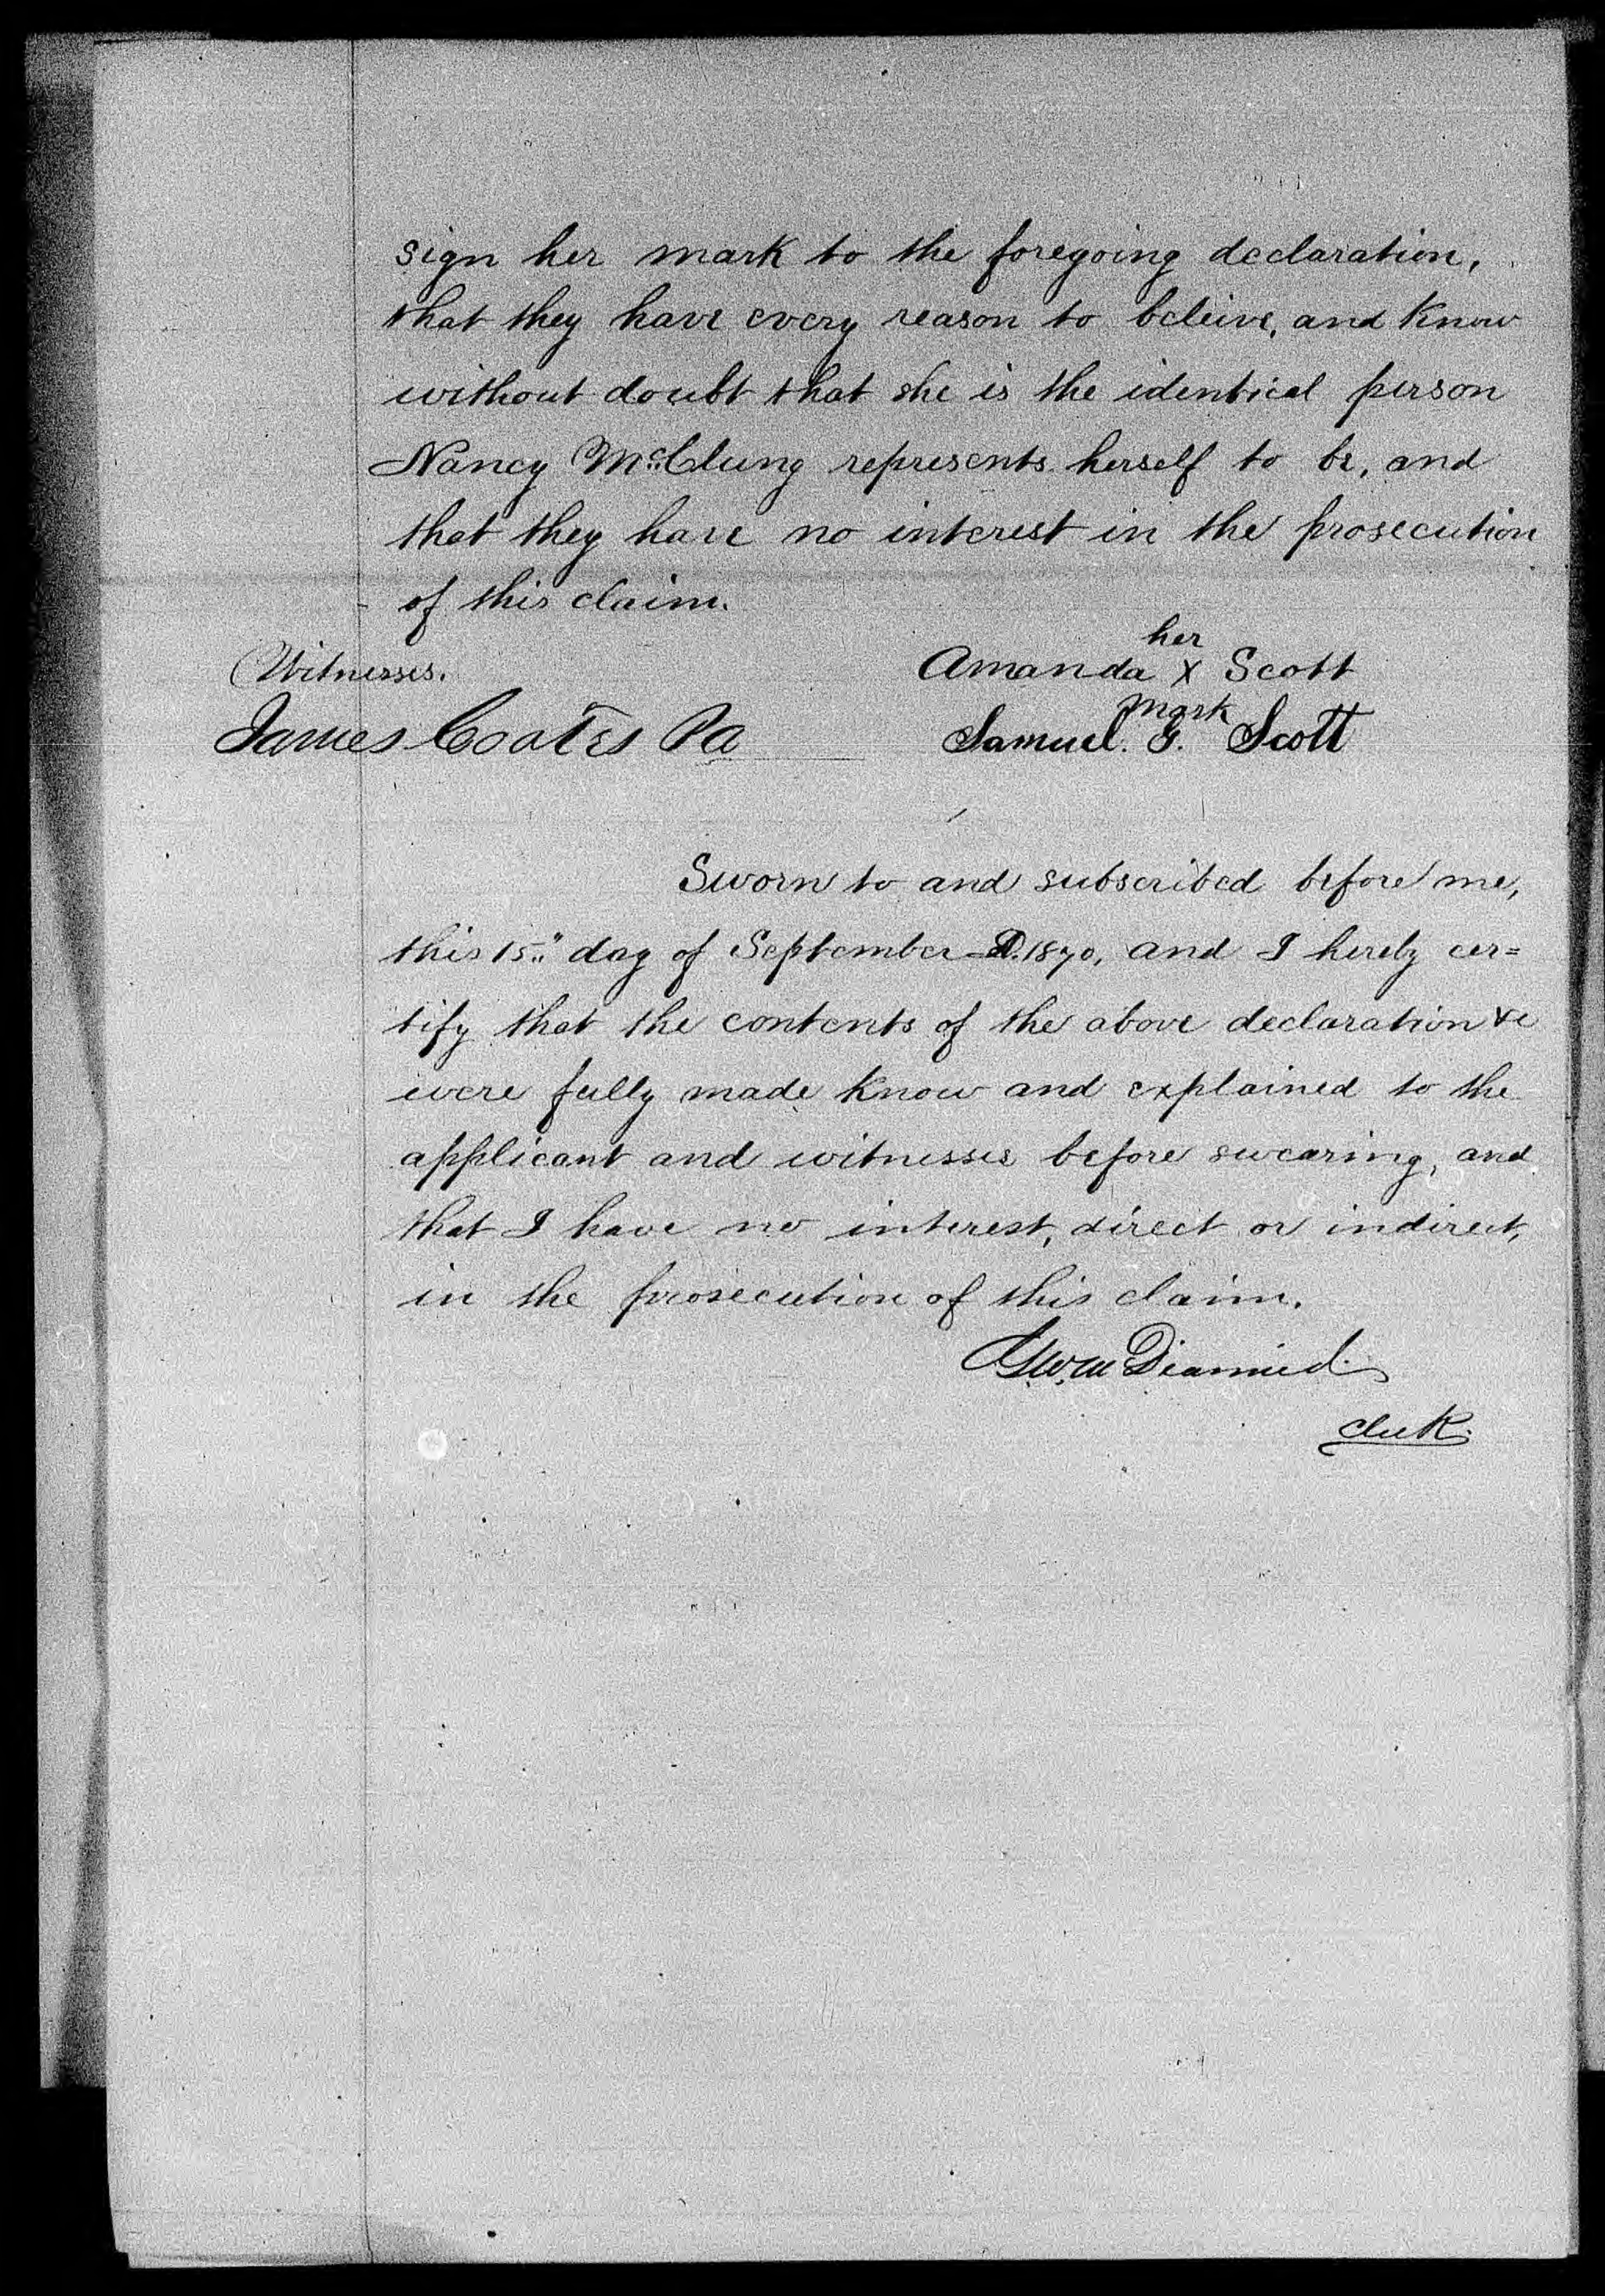sign her mark to the foregoing declaration that they have every reason to believe and know without doubt that she is the identical person Nancy McClung represents herself to be, and that they have no interest in the prosecution of this claim
[signed] Amanda X Scott her mark
Samuel G.. Scott
Witnesses
James Coates Pa

Sworn to and subscribed before me, this 15th day of September AD. 1870, and I hereby certify that the contents of the above declaration &c were fully made known and explained to the applicant and witnesses before swearing, and that I have no interest, direct or indirect, in the prosecution of this claim.
G.W.W. [illegible] Clerk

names: Samuel G Scott; Nancy Mc Clung; James Coates; Geo Mc Diarmid; Amanda Scott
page: 111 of 115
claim: widow's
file: W. 1446, for John Mc Clung, South Carolina